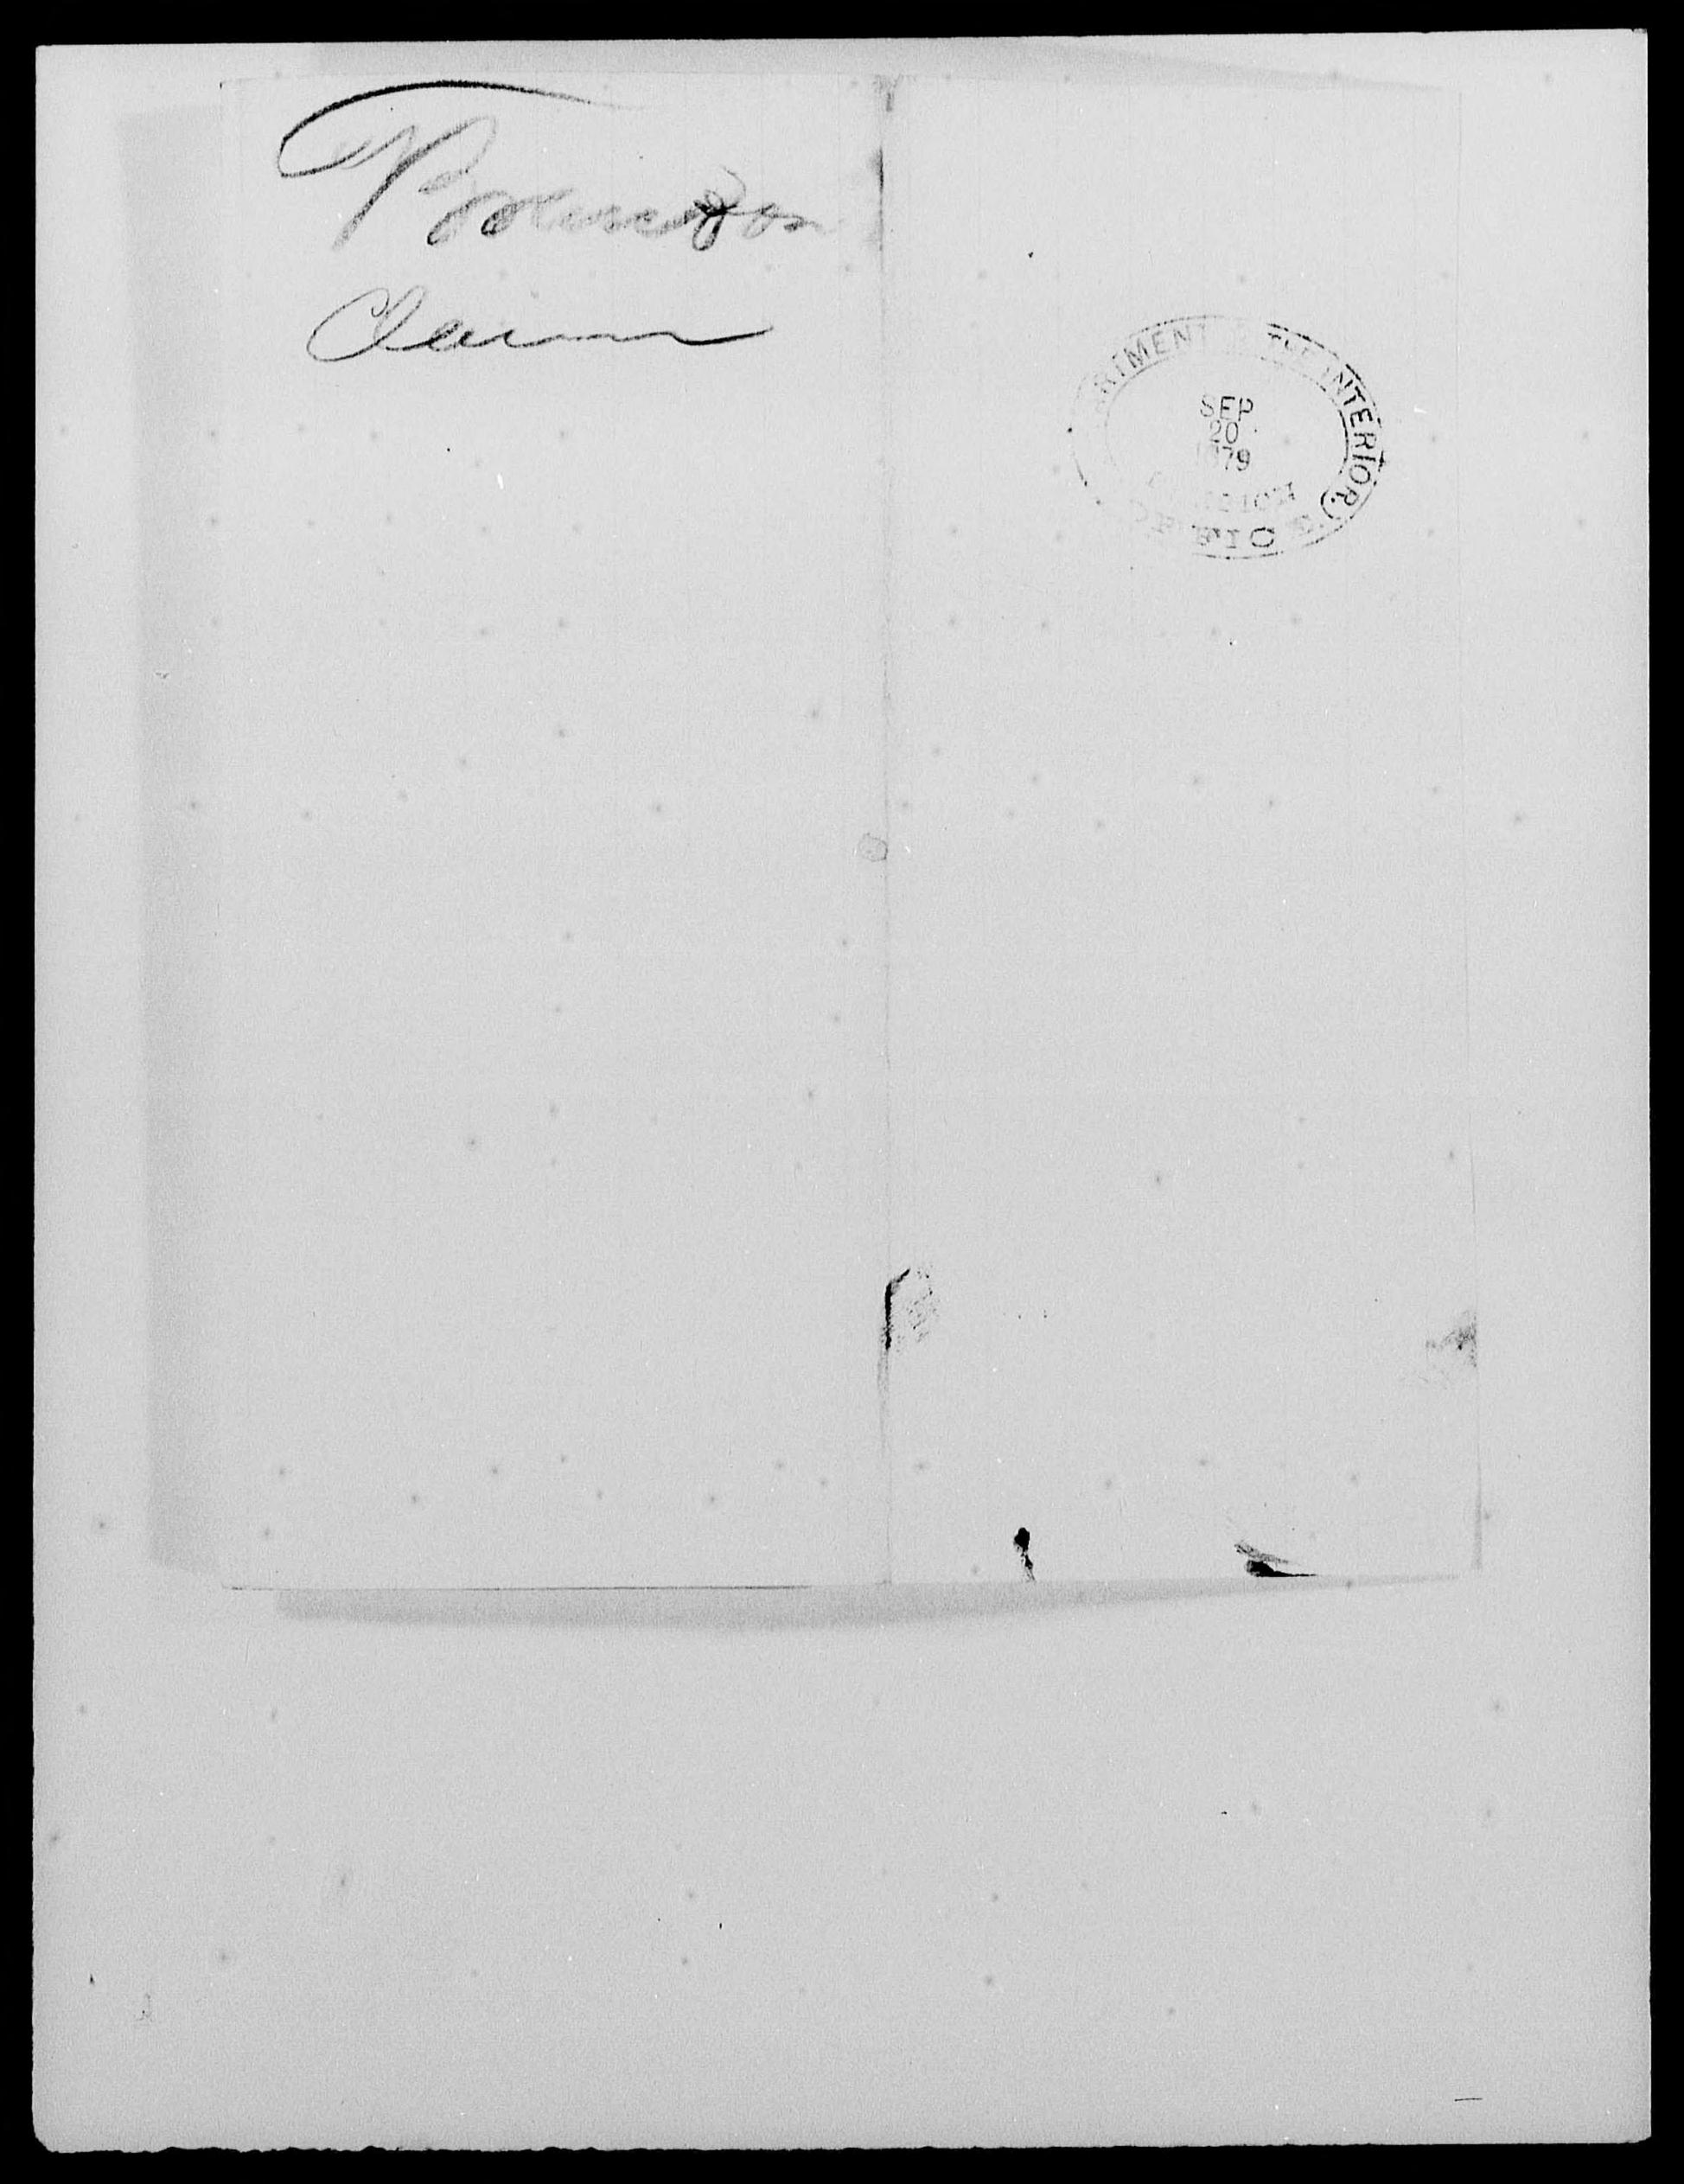Brandon
Claim

[stamp, right side]
DEPARTMENT OF THE INTERIOR.
SEP 20 1879
PENSION OFFICE.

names: Brandon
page: 36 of 83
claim: widow's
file: W. 5946, John Brandon, Penn